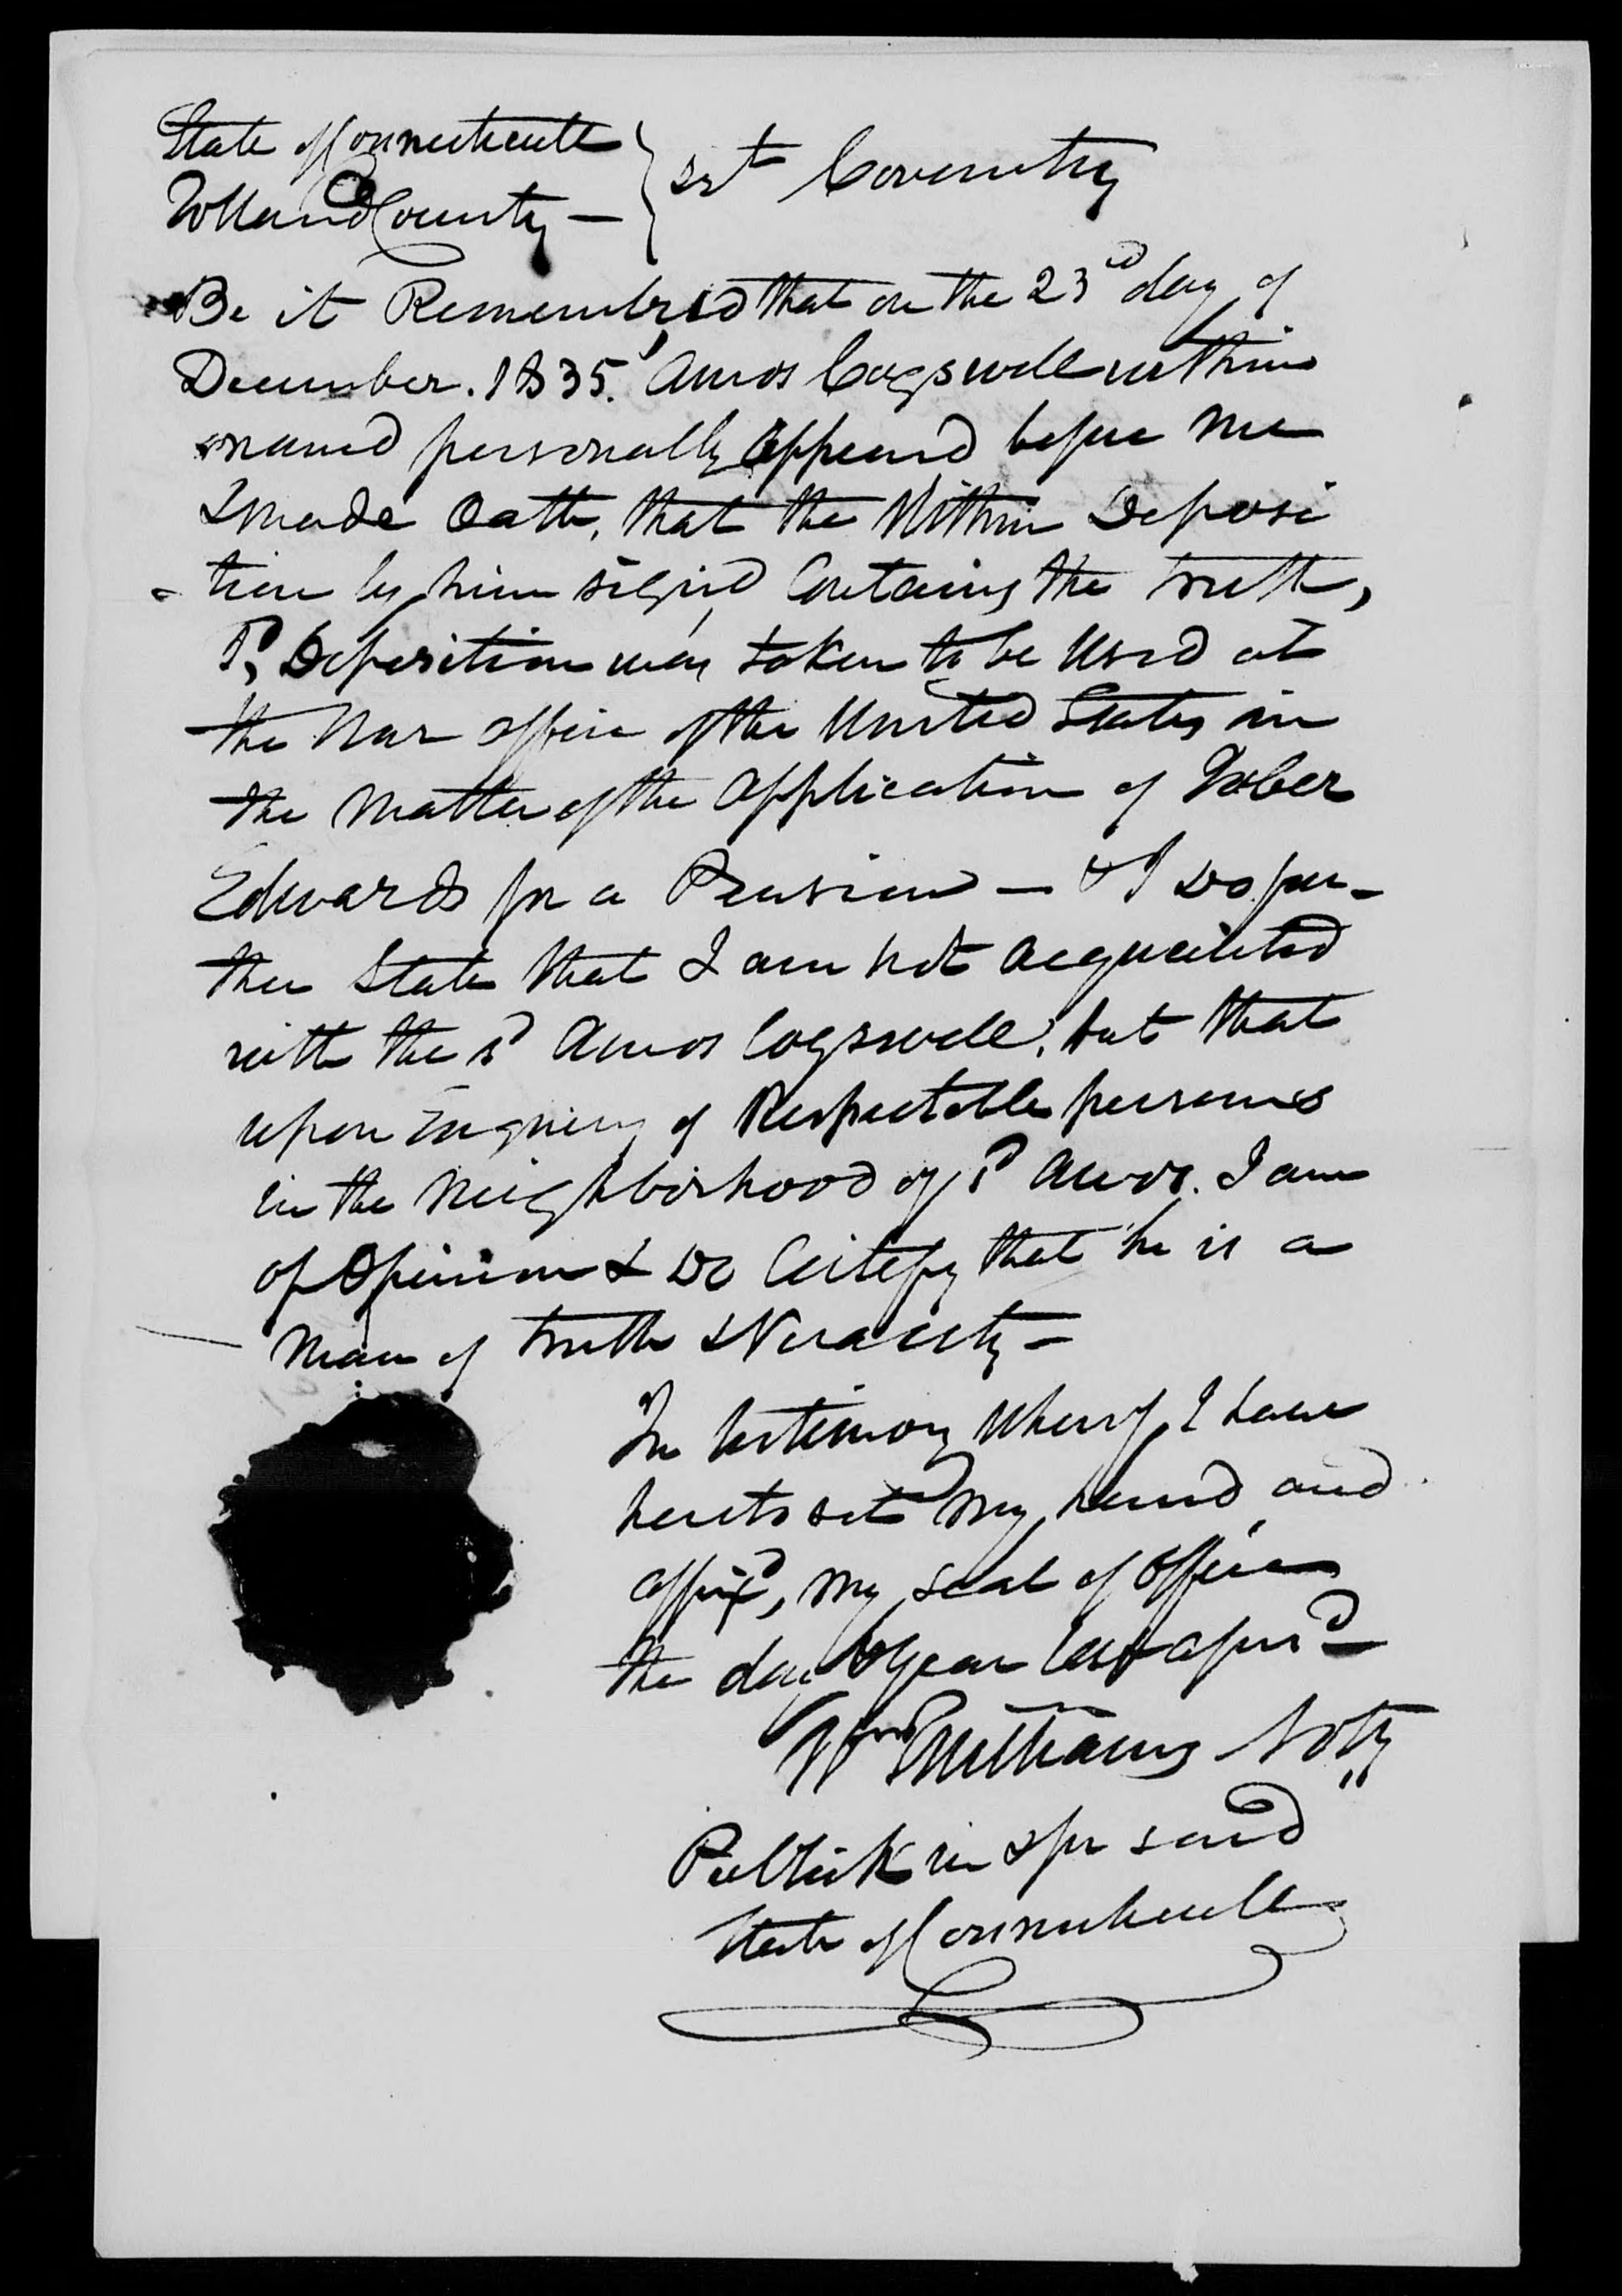State of Connecticut
Tolland County
1st Coventry

Be it remembered that on the 23rd day of December 1835 Amos Cogswell within named personally appeared before me & made oath that the within deposition by him signed contains the truth, said deposition was taken to be used at the War Office of the United States in the matter of the application of Jabez Edwards for a pension. & I do (?) then state that I am not acquainted with the said Amos Cogswell, but that when enquiring of respectable persons in the neighborhood or said Amos I am of opinion & do certify that he is a man of truth & veracity.

In testimony whereof I have hereto set my hand and affixed my seal of office the day & year last aforesaid.

Wm. Williams Notary Public in aforesaid State of Connecticut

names: Jabez Edwards, Wm T Williams, Amos Cogswell, Amos Cogswell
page: 25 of 50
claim: survivor's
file: S 10607, Jabez Edwards, Conn.